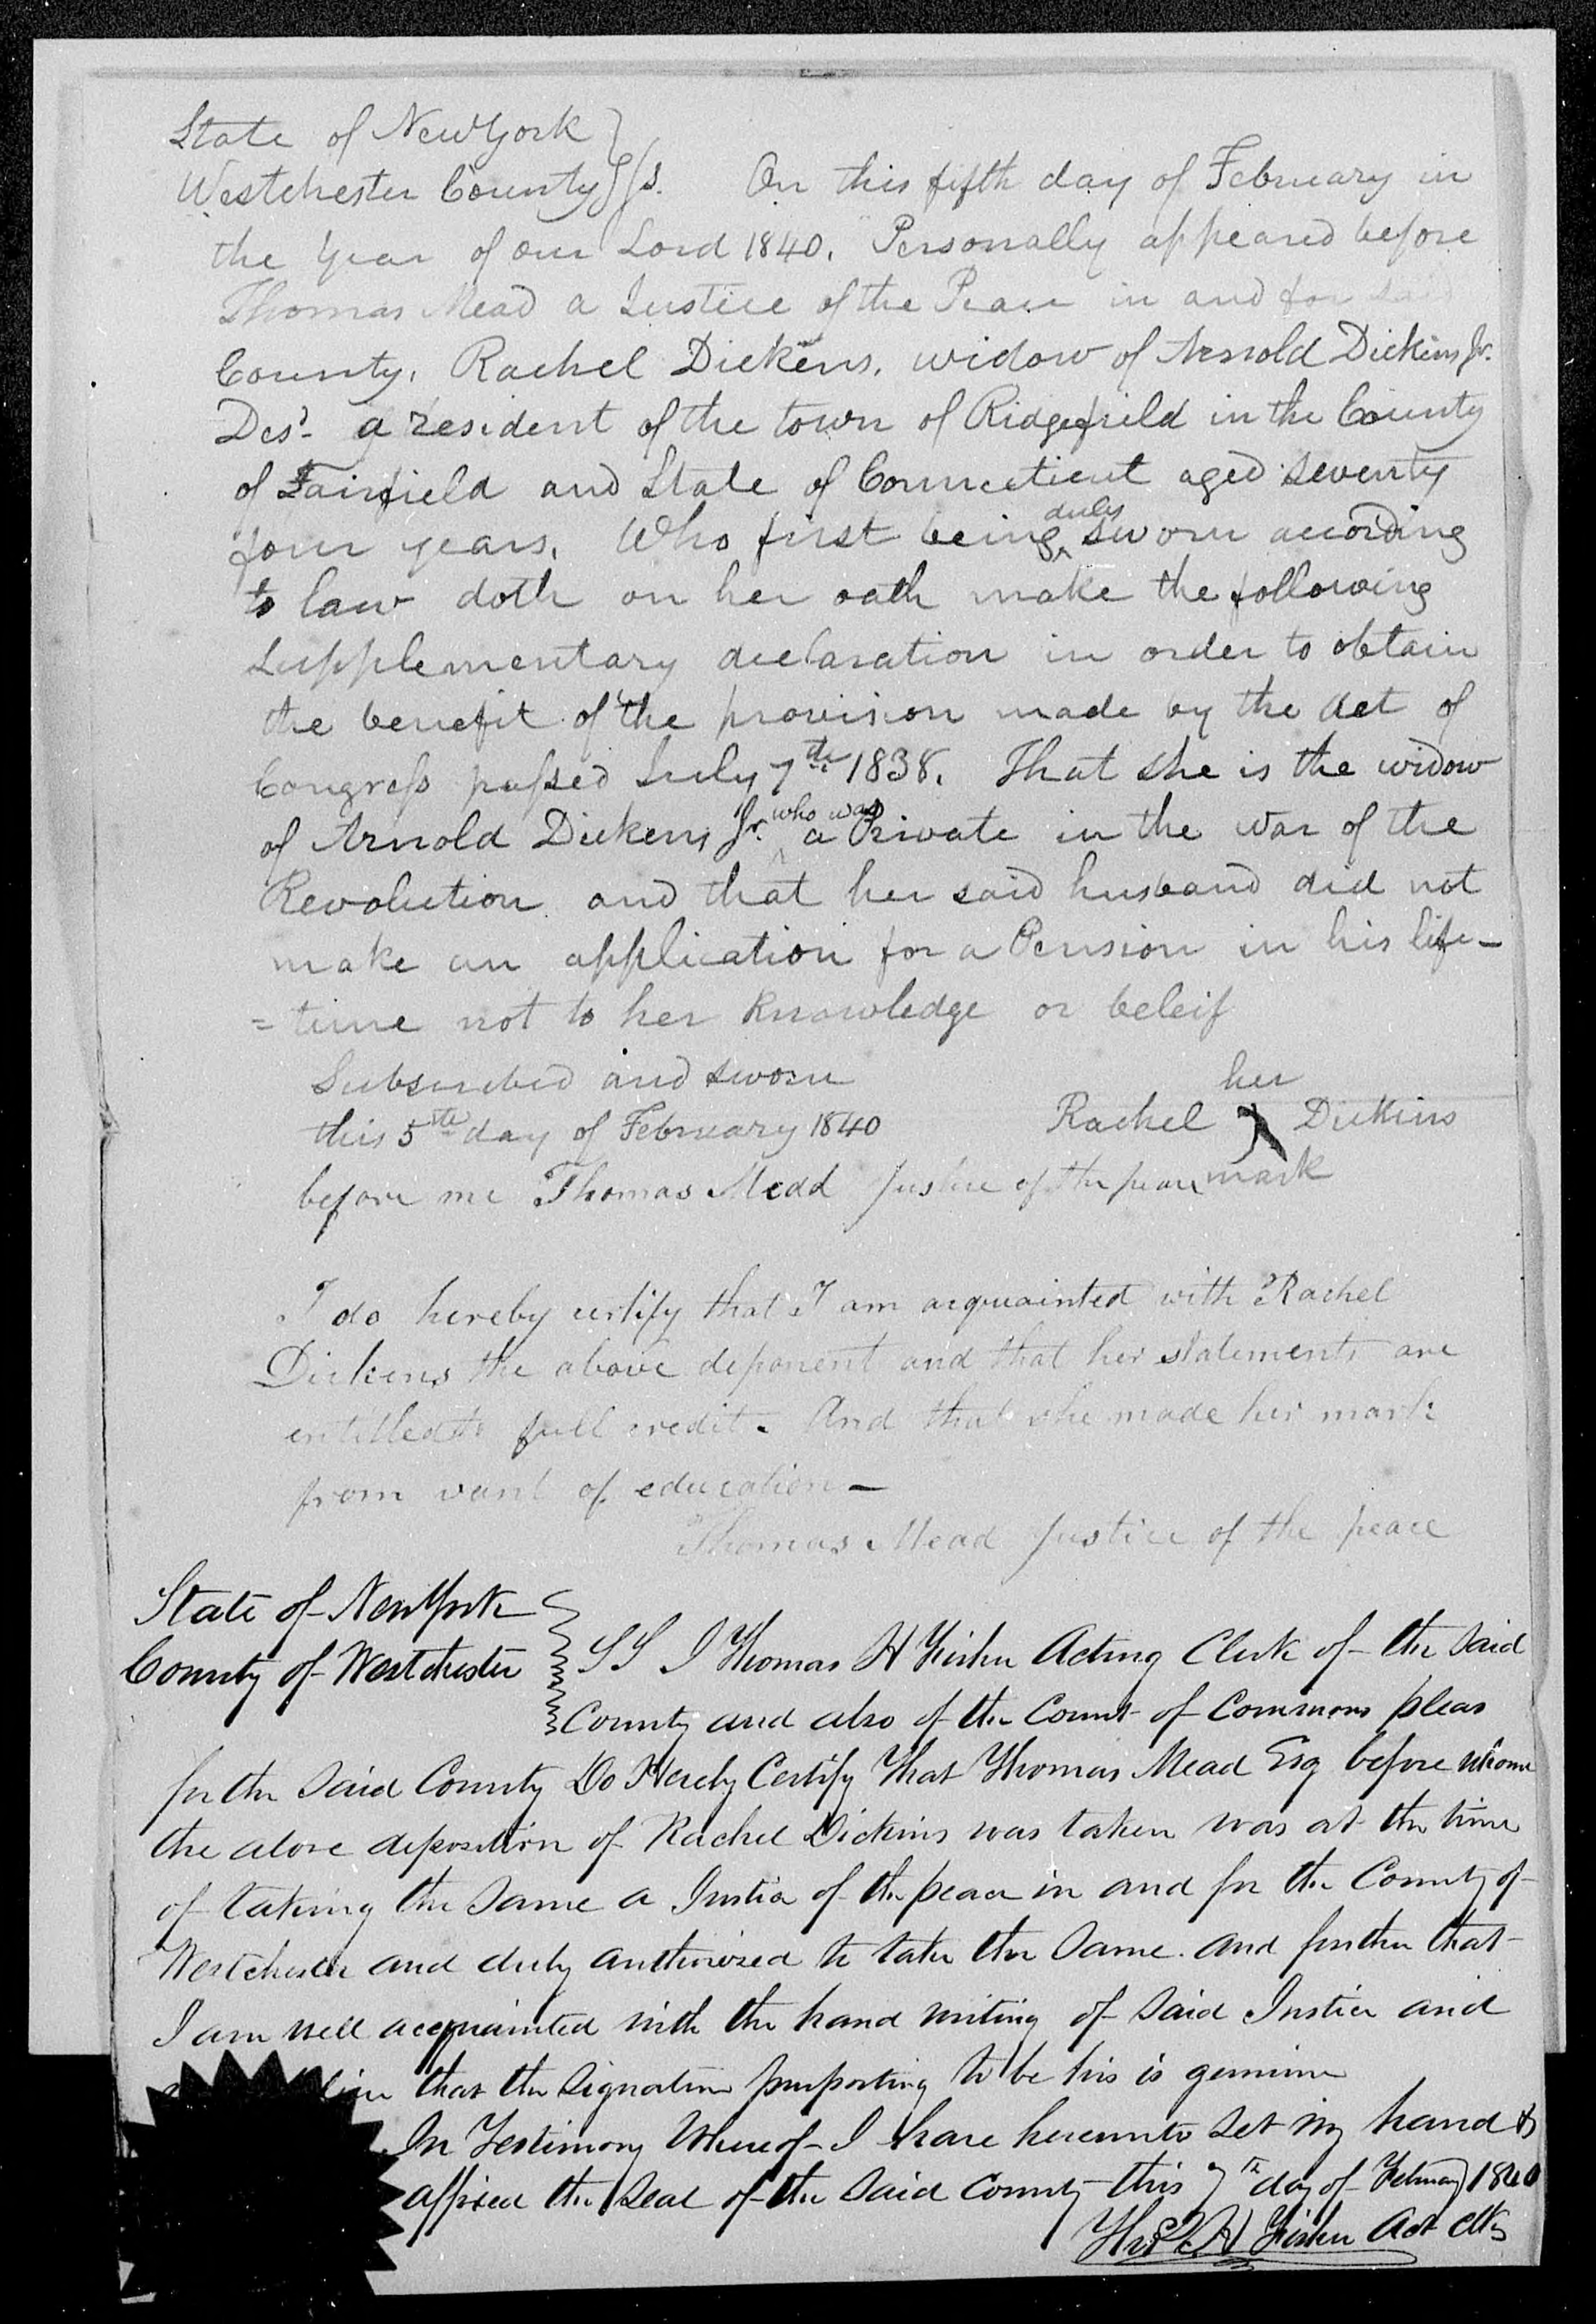State of New York}
Westchester County} SS.

On this fifth day of February in the year of our Lord 1840.  Personally appeared before Thomas Mead a Justice of the Peace in and for said County, Rachel Dickens, widow of Arnold Dickens Jr. Desd. a resident of the town of Ridgefield in the County of Fairfield and State of Connecticut aged seventy four years.  who first being duly sworn according to law doth on her oath make the following supplementary declaration in order to obtain the benefit of the provision made by the Act of Congress passed July 7th 1838.  That she is the widow of Arnold Dickens Jr. ^who was a Private in the war of the Revolution.  and that her said husband did not make an application for a Pension in his lifetime not to her knowledge or belief
Rachel [X her mark] Dickins
Subscribed and sworn this
5th day of February 1840 before me
Thomas Mead Justice of the peace

I do hereby certify that I am acquainted with Rachel Dickens the above deponent and that her statements are entitled to full credit.  And that she made her mark from want of education—
Thomas Mead Justice of the peace

State of New York}
County of Westchester} SS

I Thomas H Fisher Acting Clerk of the said County and also of the Court of Common pleas for the said County Do Hereby Certify That Thomas Mead Esq before whom the above deposition of Rachel Dickins was taken was at the time of taking the same a Justice of the peace in and for the County of Westchester and duly authorized to take the Same.  and further that I am well acquainted with the hand writing of said Justice and [missing words] in that the signature purporting to be his is genuine  In Testimony whereof I have hereunto set my hand & affixed the seal of the said County this 7th day of February 1840
Thos H Fisher Act Clk
 Note:  A seal was applied to the above lower left of the last paragraph but has been covered.

Copyists note:  Copied as per original document including errors.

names: Thomas Mead, Thomas Mead, Thomas Mead, Thomas Mead, Rachel Dickins, Thomas H Fisher, Thos H Fisher, Arnold Dickens, Rachel Dickins, Arnold Dickins, Rachel Dickins, Rachel Dickins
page: 26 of 29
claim: widow's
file: W. 17720, Arnold Dickens, New York